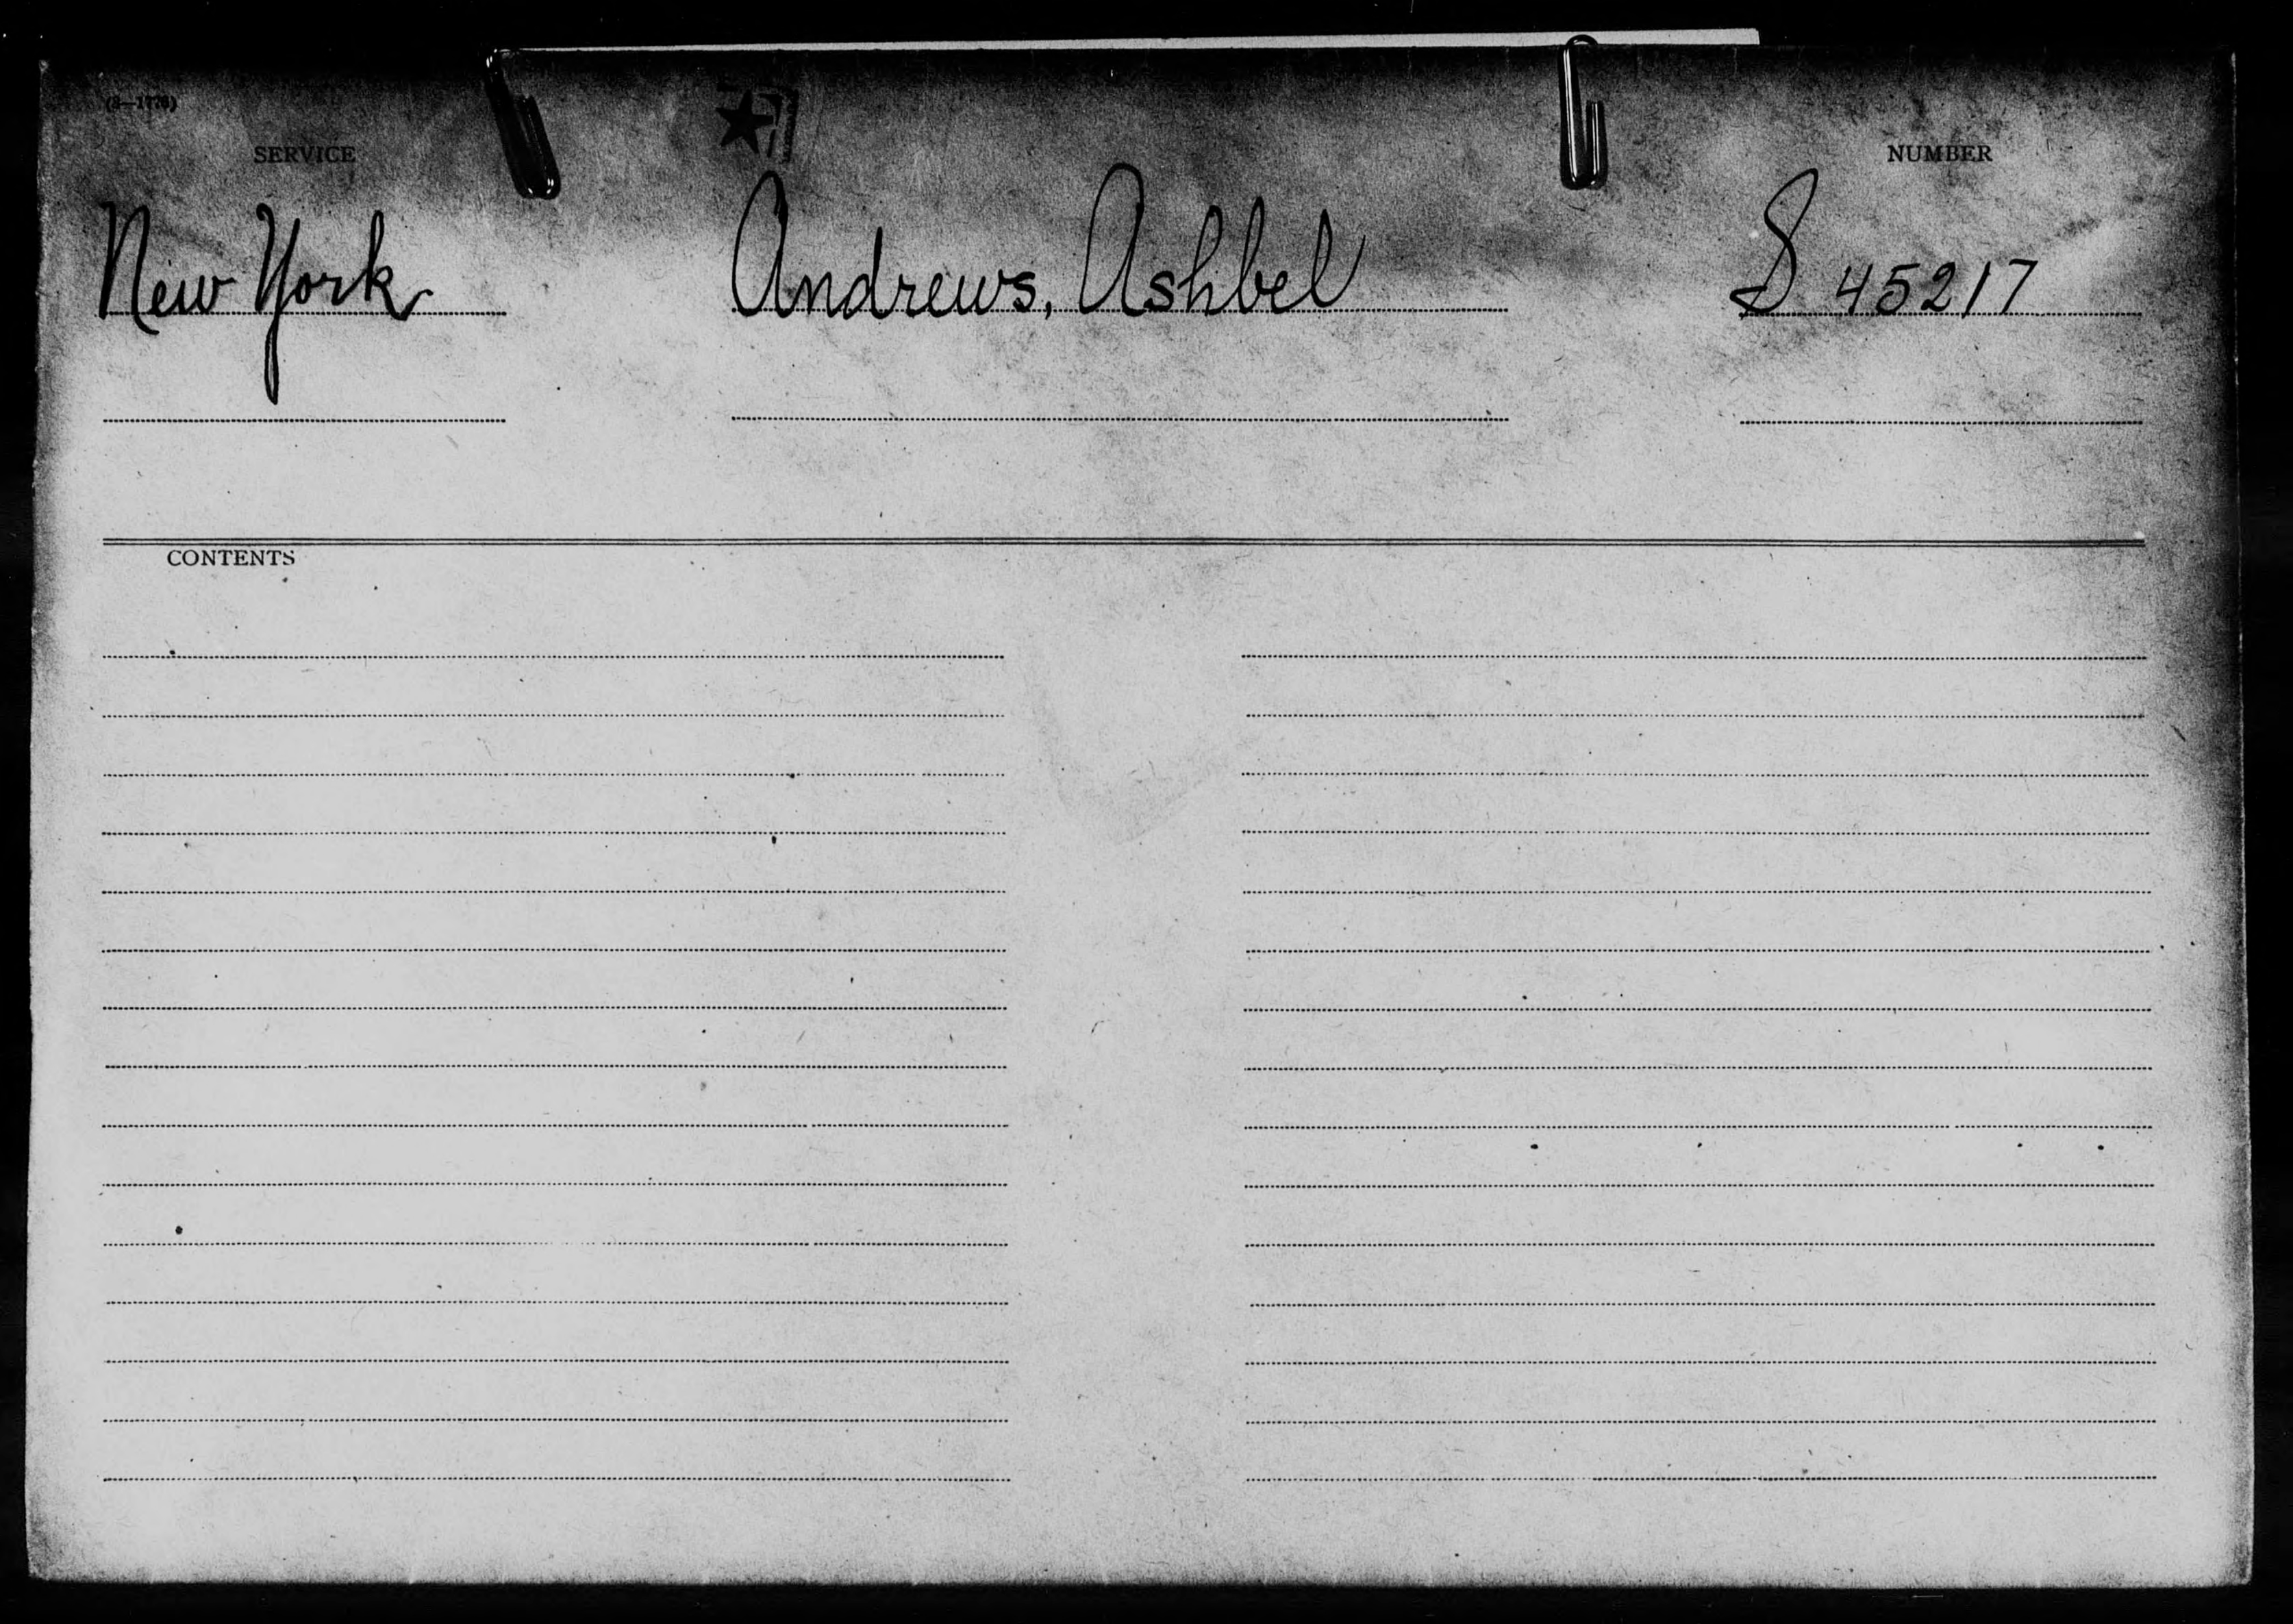SERVICE
New York
Andrews, Ashbel
NUMBER
S 45217
CONTENTS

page: 1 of 8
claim: survivor's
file: S 45217, Ashbel Andrews, New York